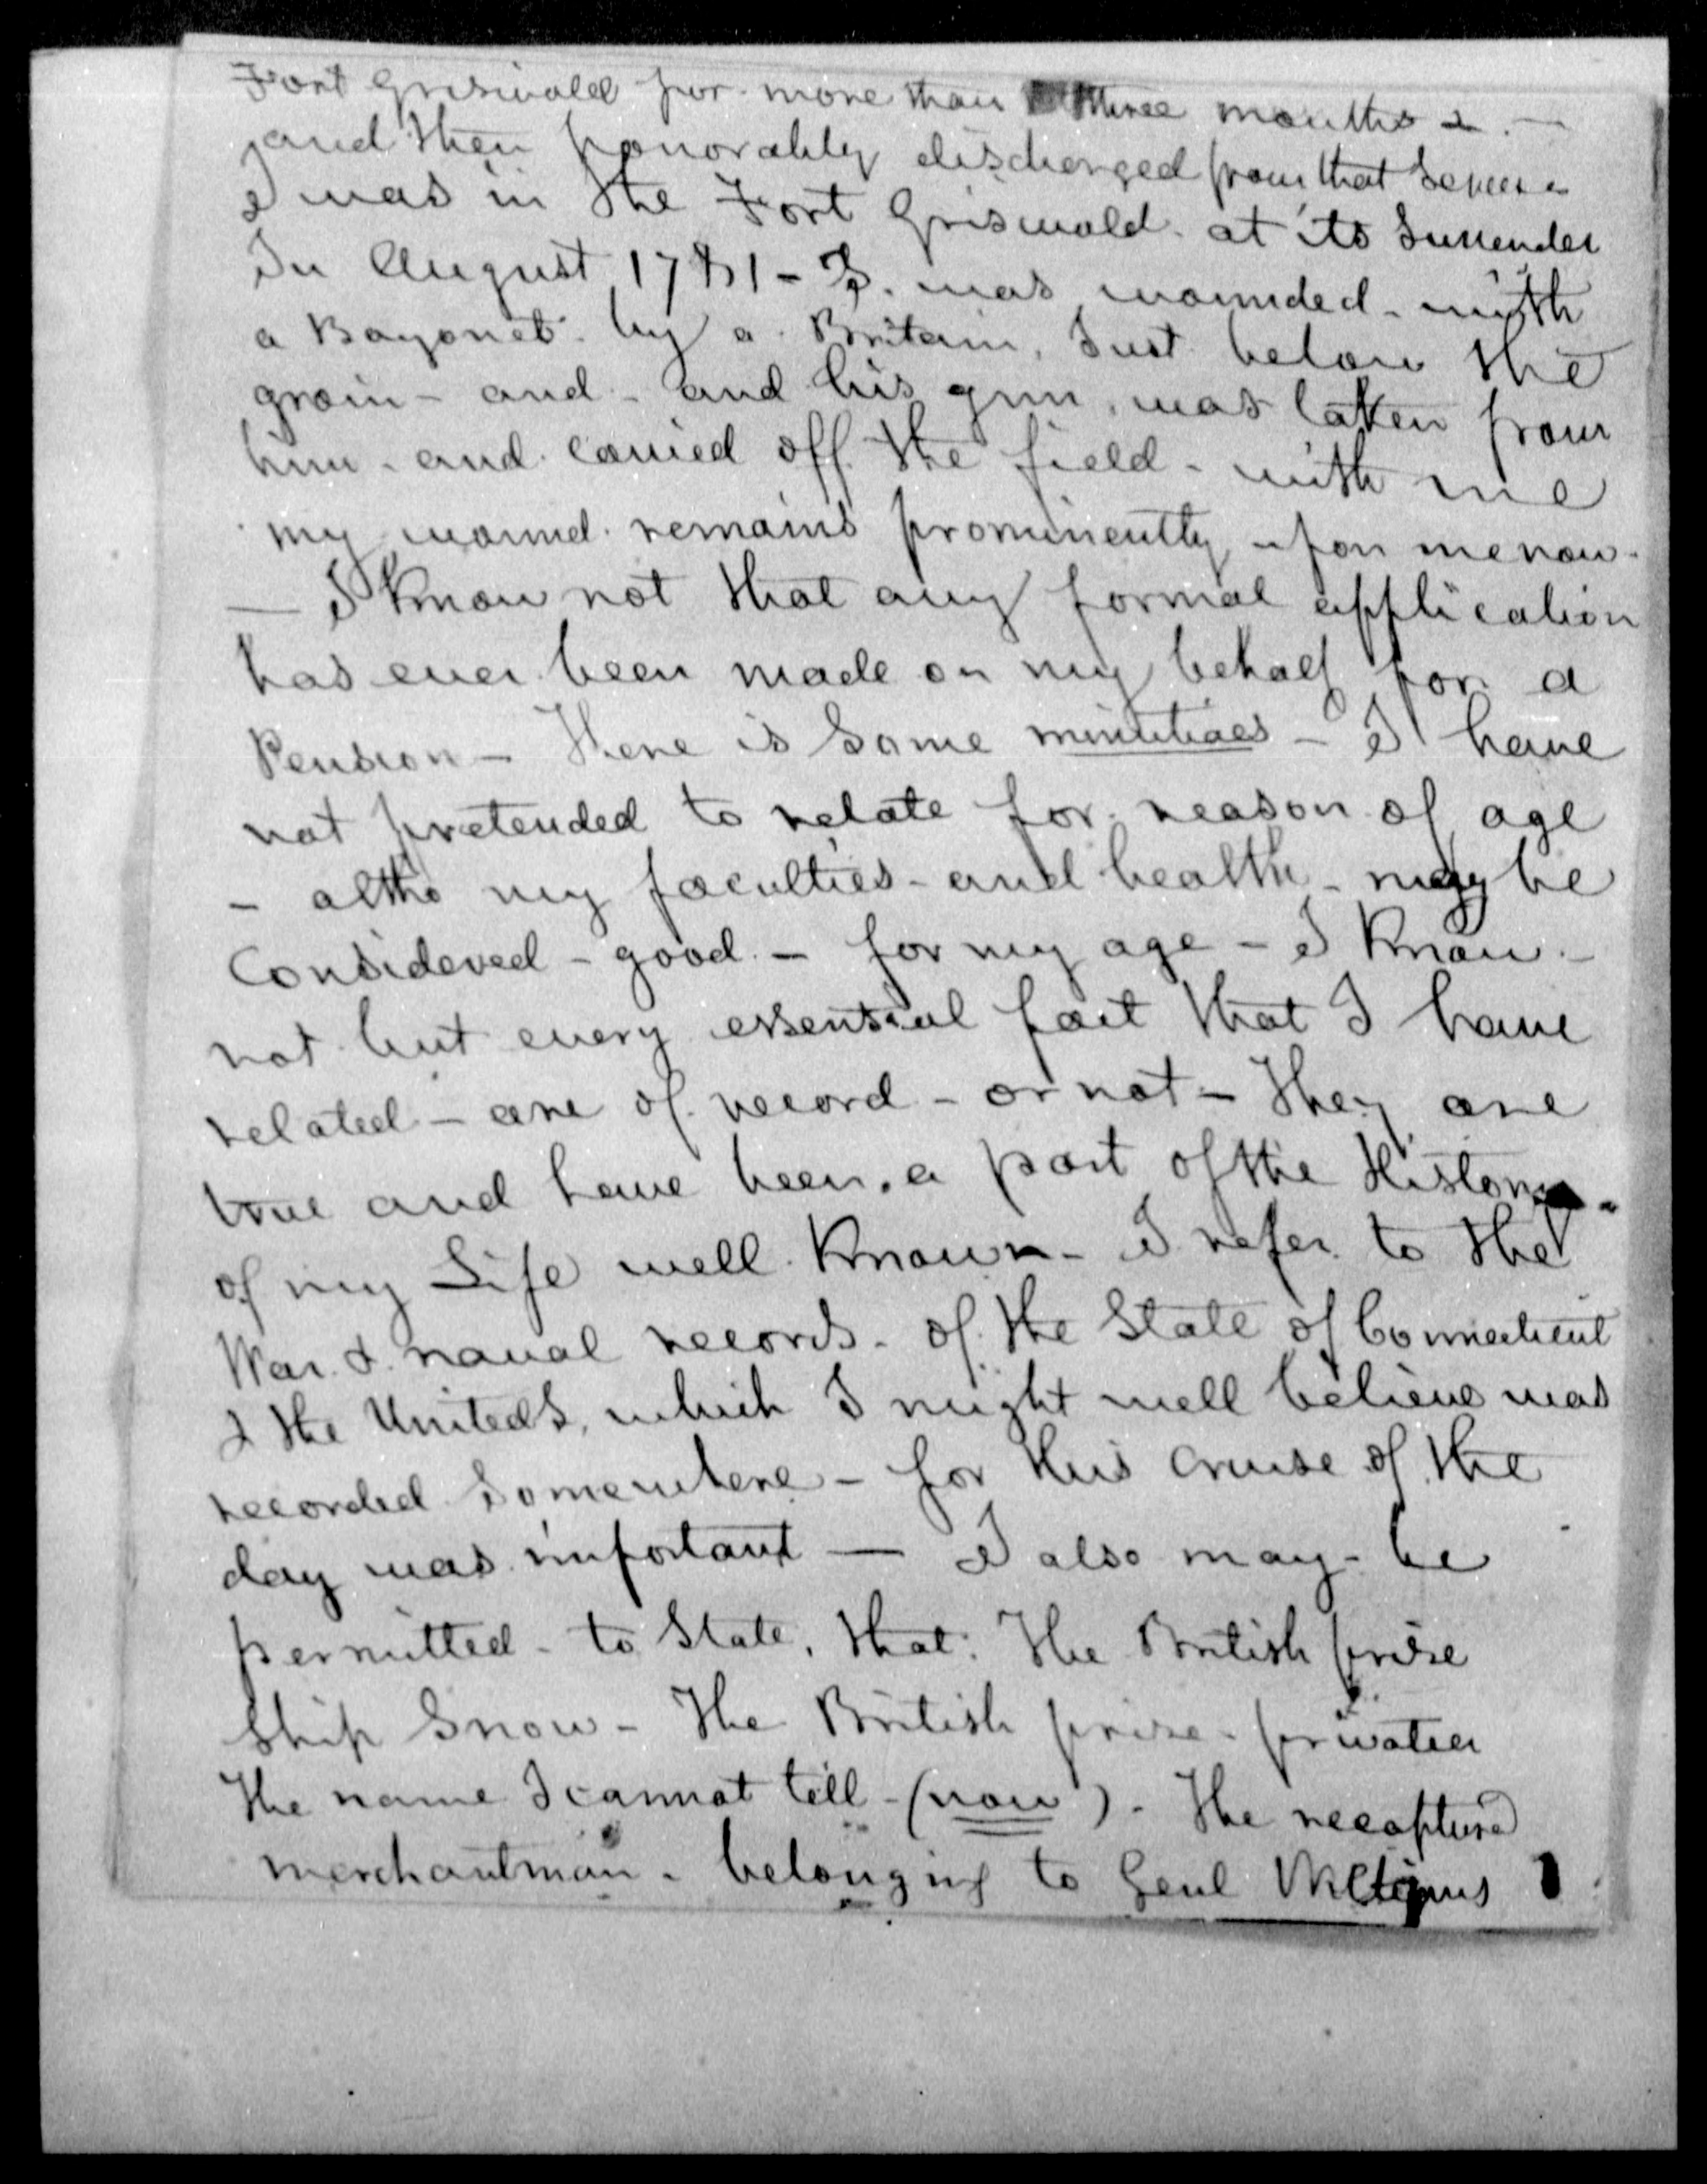Fort Griswald for more than three months and
then honorably discharged from that service
I was in the Fort Griswold at it's surrender
on August, 1781 I was wounded with
a Bayonet by a Britian, Just below the
groin and- and his arm was taken from
him and carried off the field, with me
my wound remains prominently upon me now.
I know not that any formal application
has ever been made on my behalf for a
pension some minutiae - I have
not pretended to relate for reason of age altho- my faculties, and heath may be
considered good- for my age - I know not
 but every extensile fact that I have
related-- are of record-- or not. They are true
and have been a part of the history of my life well known. I refer to the
War & naval records of the State of Connecticut & the United S., which I might well believe was recorded somewhere, for this cruise of the day was important - I also may be permitted to State, that the British prize
Ship Snow-The British privateer-
The name I cannot tell (now). The recaptured
merchantman belonging to Genl [Metiquis?]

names: [BLANK] Williams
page: 6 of 30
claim: rejected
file: R. 8625, for Elisha Razar, Connecticut